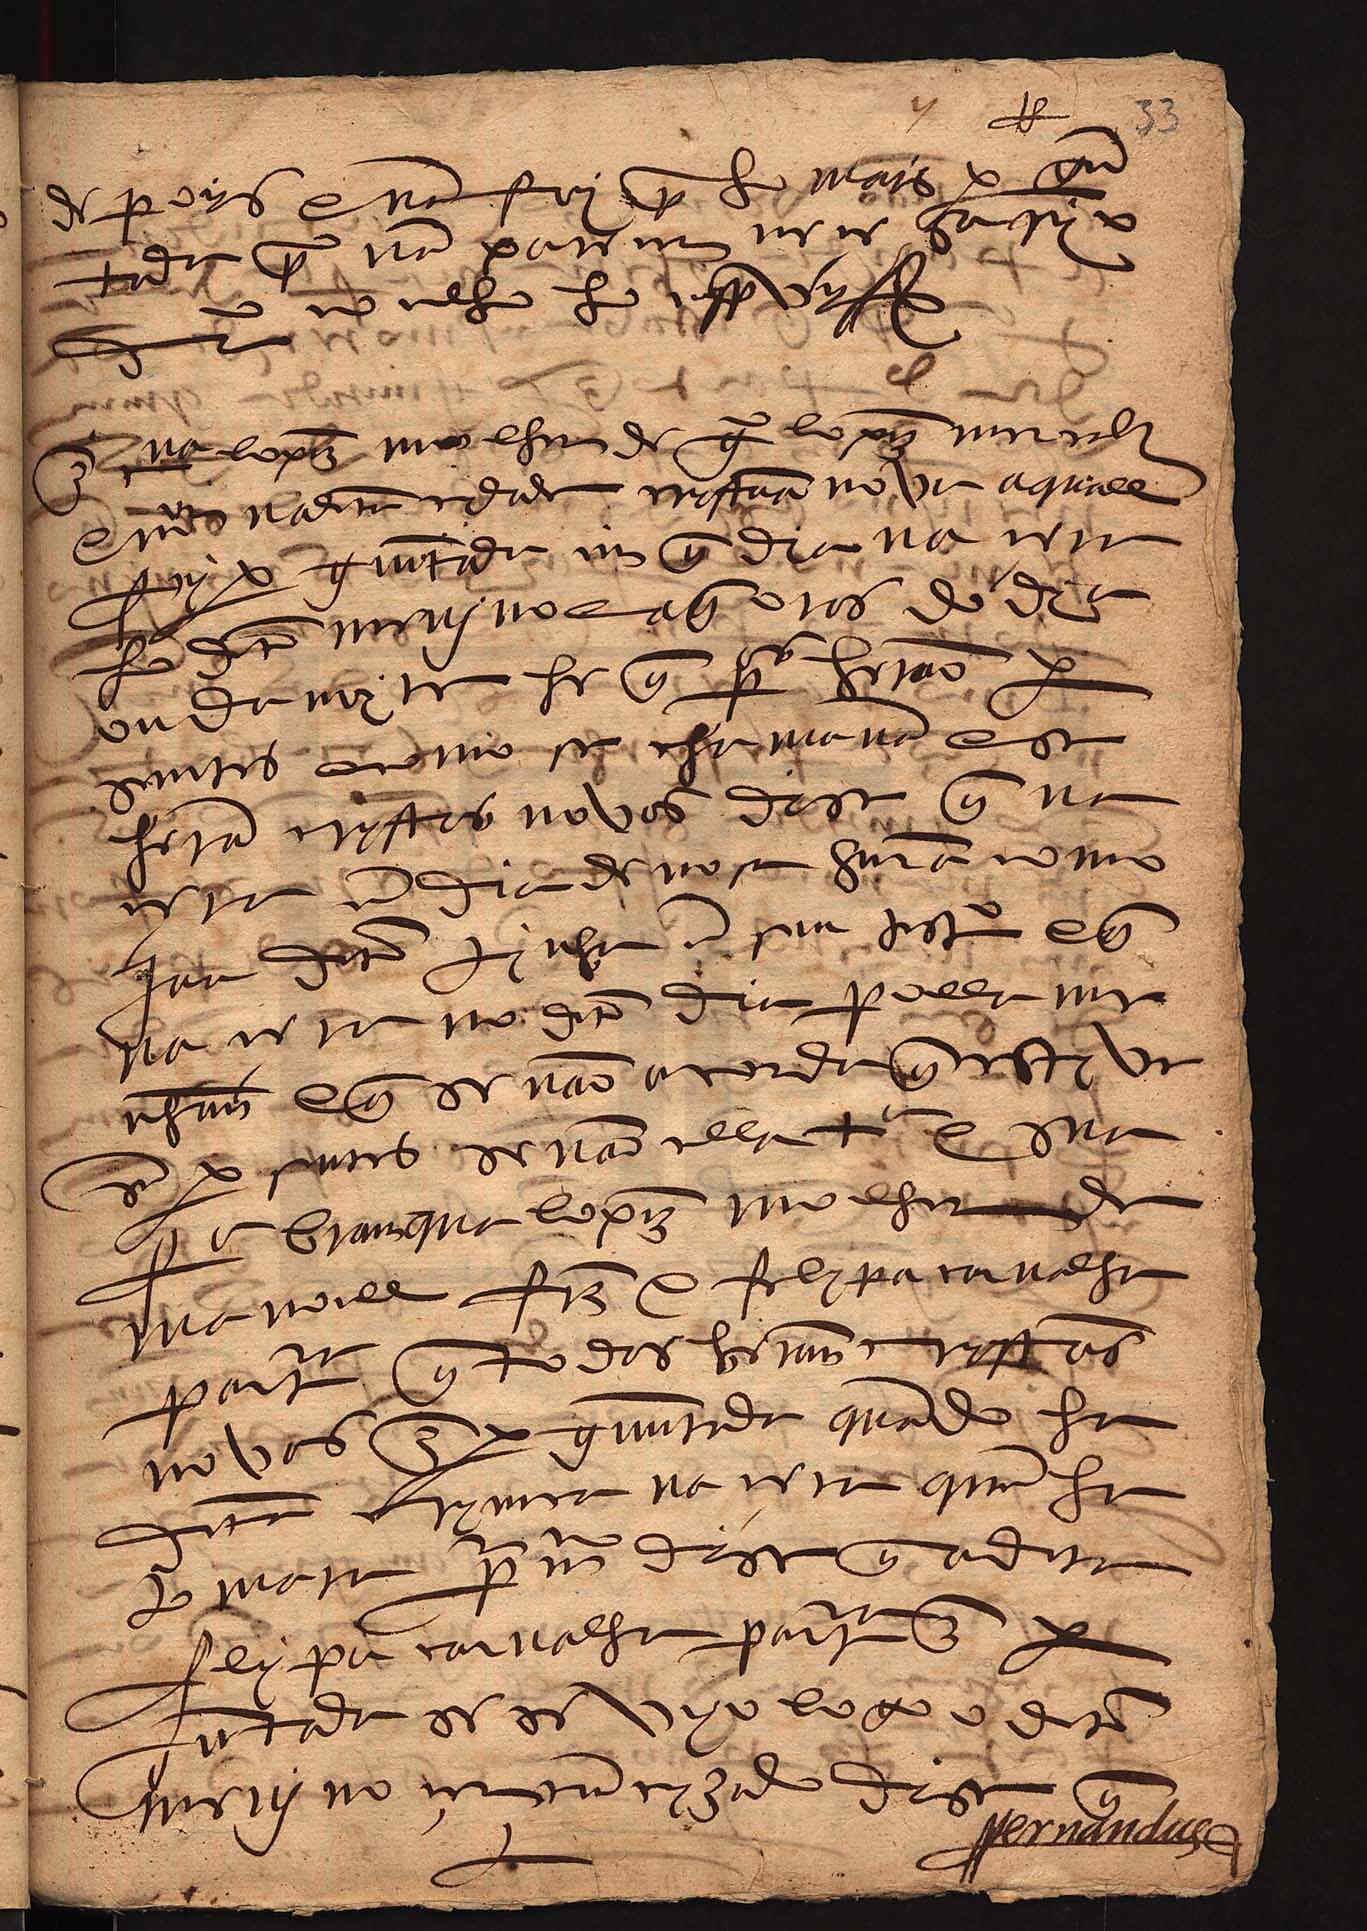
R
depoys e nā foy p̄ ho mais ꝑgū
tada p̄o nā parecer neçesaryo
dio coelho ho esp̄vy /
item cna lopīz molher de go lop̄iz mercador
e mor na dita cidade cristāa nova a quall
foy ꝑgūtada em q̄ dya naçera
ho dito menjno e a q̄ oras do dya
ou da noyte he q̄ pas herão ꝑ
semtes e como se chamauā e se
herā crystas novas dyse q̄ na
çera ē dia de nosa snr̄a como
Jaa dito tynha ē seu testo e q̄
naçera no dito dia polla me
nhan e q̄ se não acorda q̄ estyve
sē ꝑsentes senão ella ta e sua
fa bramqua lop̄iz molher de
manoell fr̄z e felypa carualha
partra q̄ todas heram crystās
novas item ꝑgūntada quādo ha
dita cryenca naçera quē ha
tomara prmro dyse q̄ a dita
felypa carualha partra item ꝑ
gūtada se se vyo logo o dito
menjno çercūcyzado dyse q̄
ffernandus
